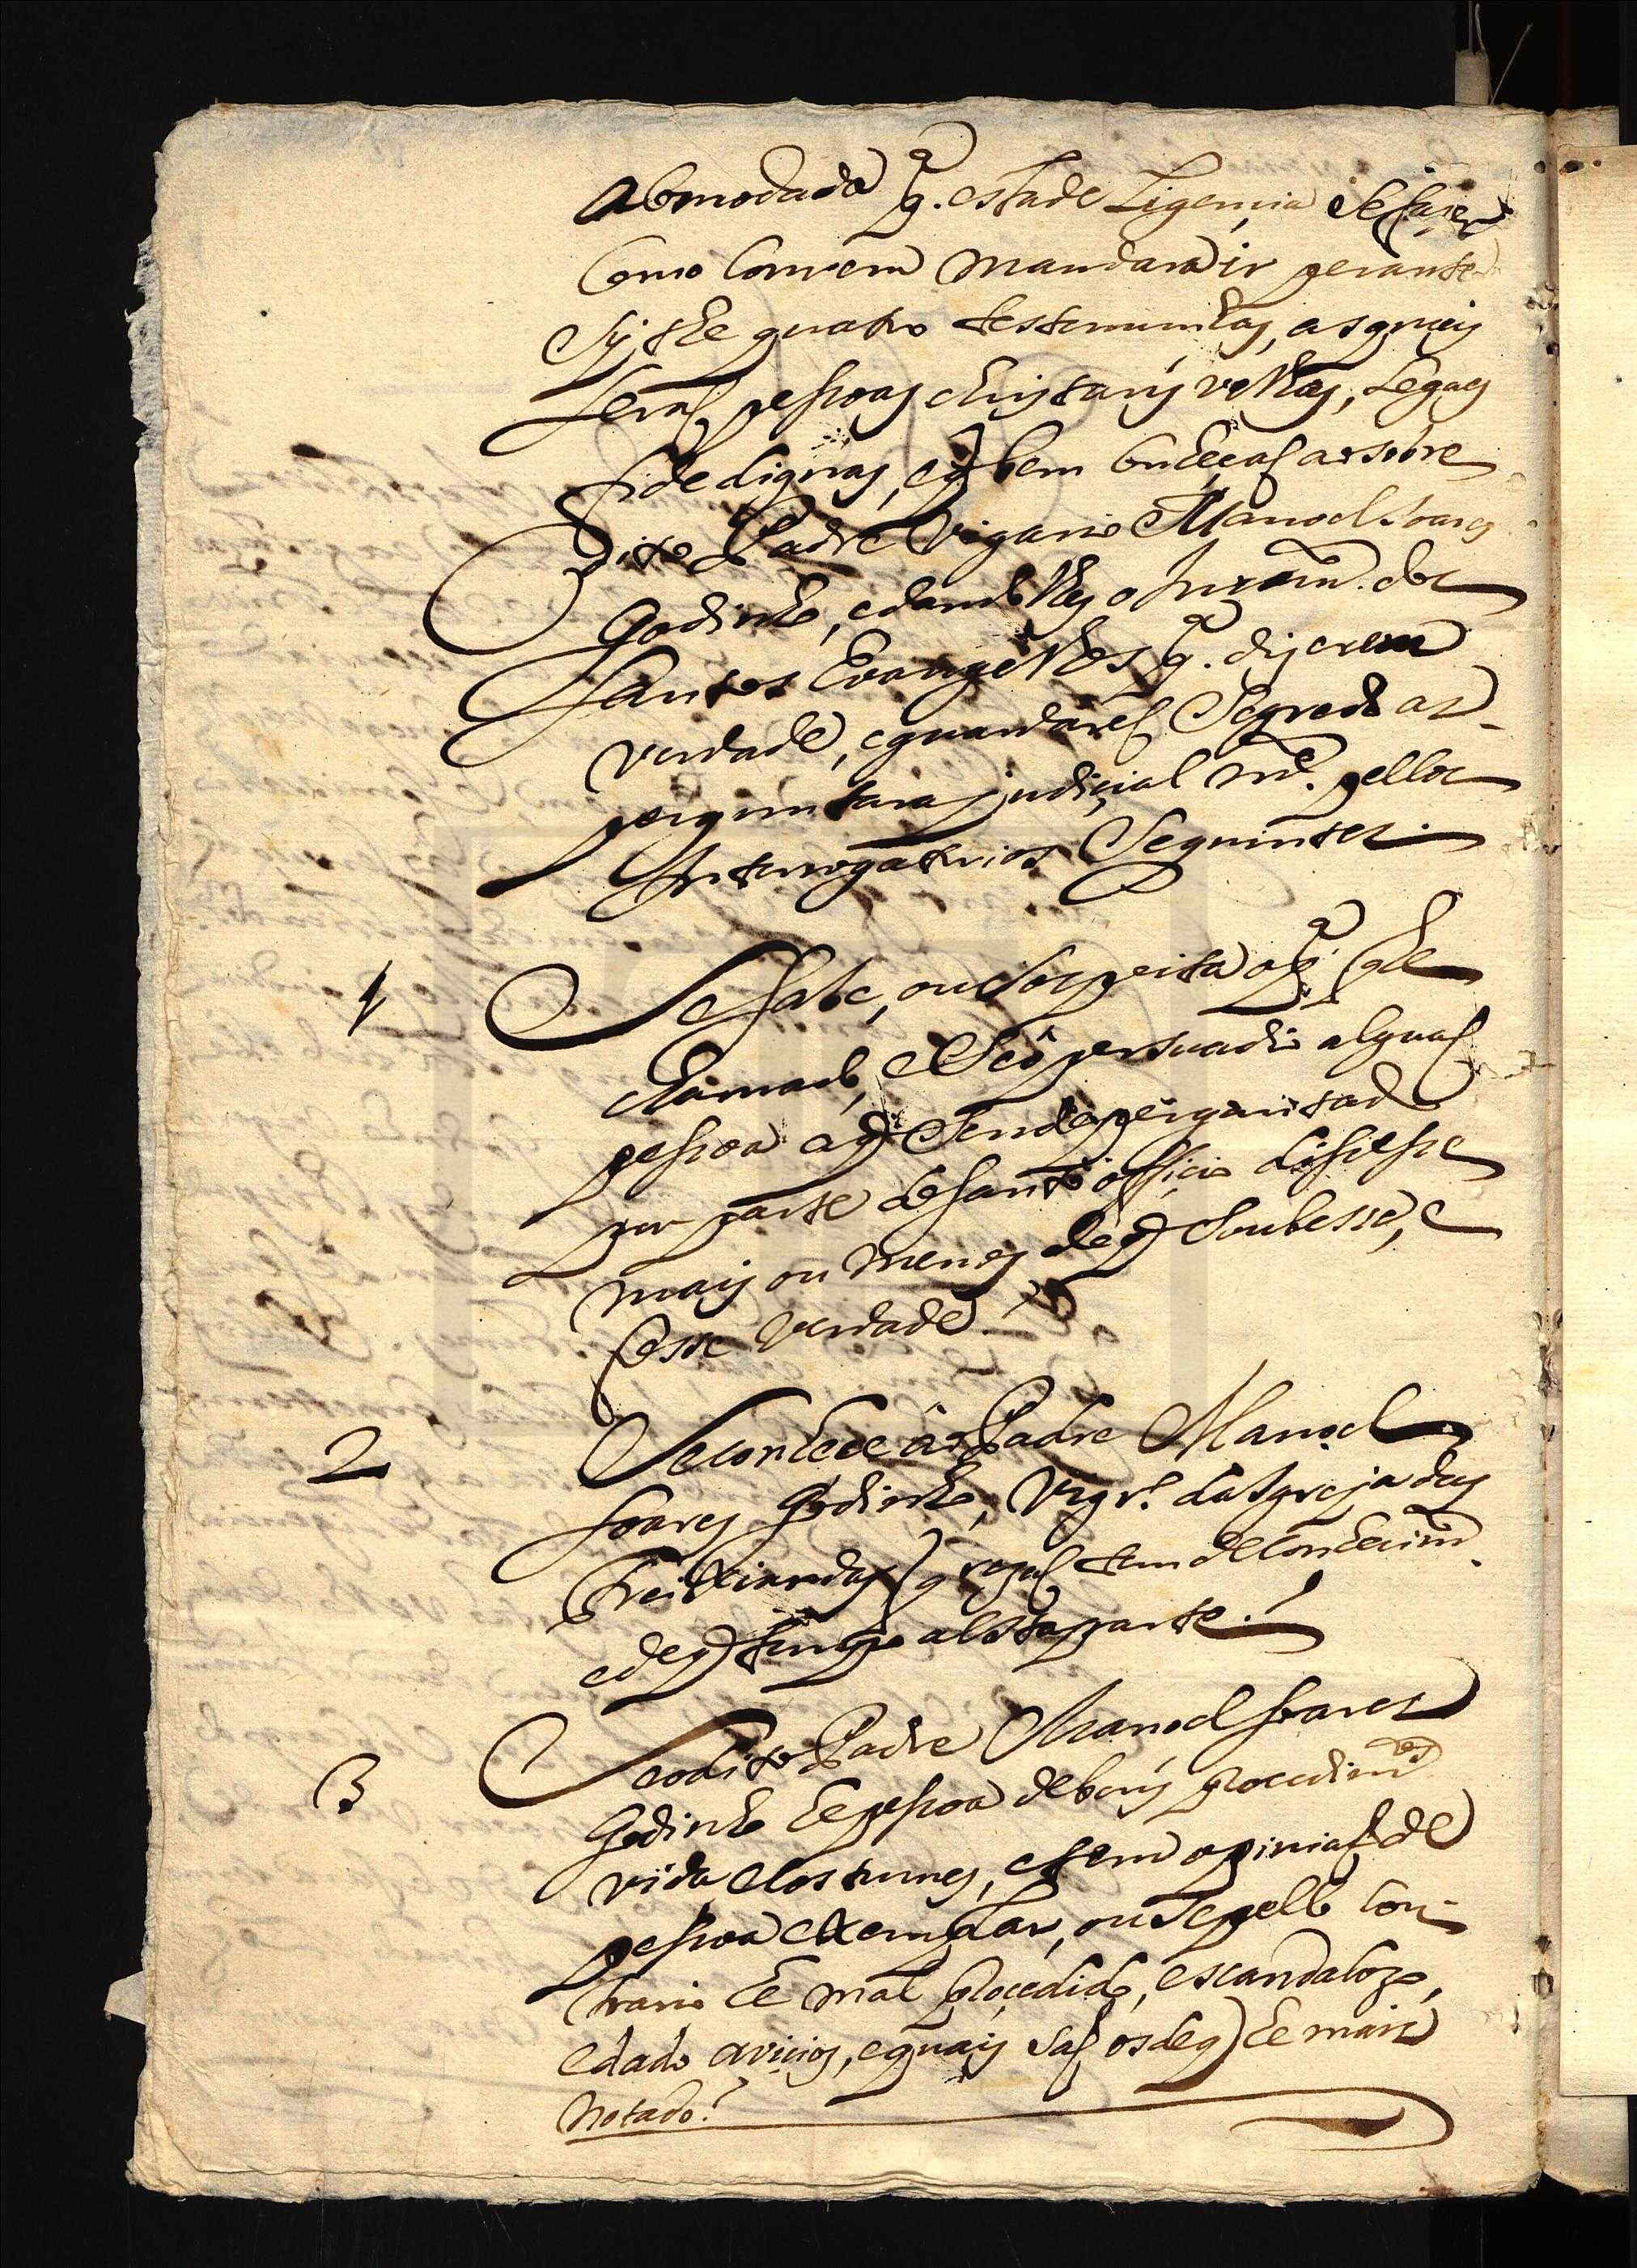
acomodada pa esta deLigencia se fazer
Como Convem mandara ir perante
Sy the quatro testemunhas, as quais
seraõ pessoas christans velhas, Legais
fidedignas, e q̄ bem conheçaꝭ ao sobre
dito Padre Vigario Manoel Soares
Godinho, e dandolhes o Iuram.to dos
Santos Evangelhos p.a dizerem
verdade, e guardarē Segredo as
perguntara judicialm.te pellos
Jnterrogatorios Seguintes.
1 Se sabe, ou sospeita o pa q̄ he
chamado, e Se ô persuadio alguā
pessoa a q̄ sendo perguntado
por parte do santo officio dissesse
mais ou menos de q̄ Soubesse, e
fosse verdade?
2 Se conhece ao Padre Manoel
Soares Godinho, Vigr.o da Igreja das
Freixiandas q̄ rezaꝭ tem de conhecimto
e de q̄ tempo a Esta parte
3 Se o dito Padre Manoel soares
Godinho he pessoa de bon̄s procedimtos
vida e costumes, e tem opiniaõ de
pessoa exemplar, ou se pello Con
trario he mal pRocedido, escandalozo
e dado a vicios, e quais saõ os de q̄ he maiz
notado?
